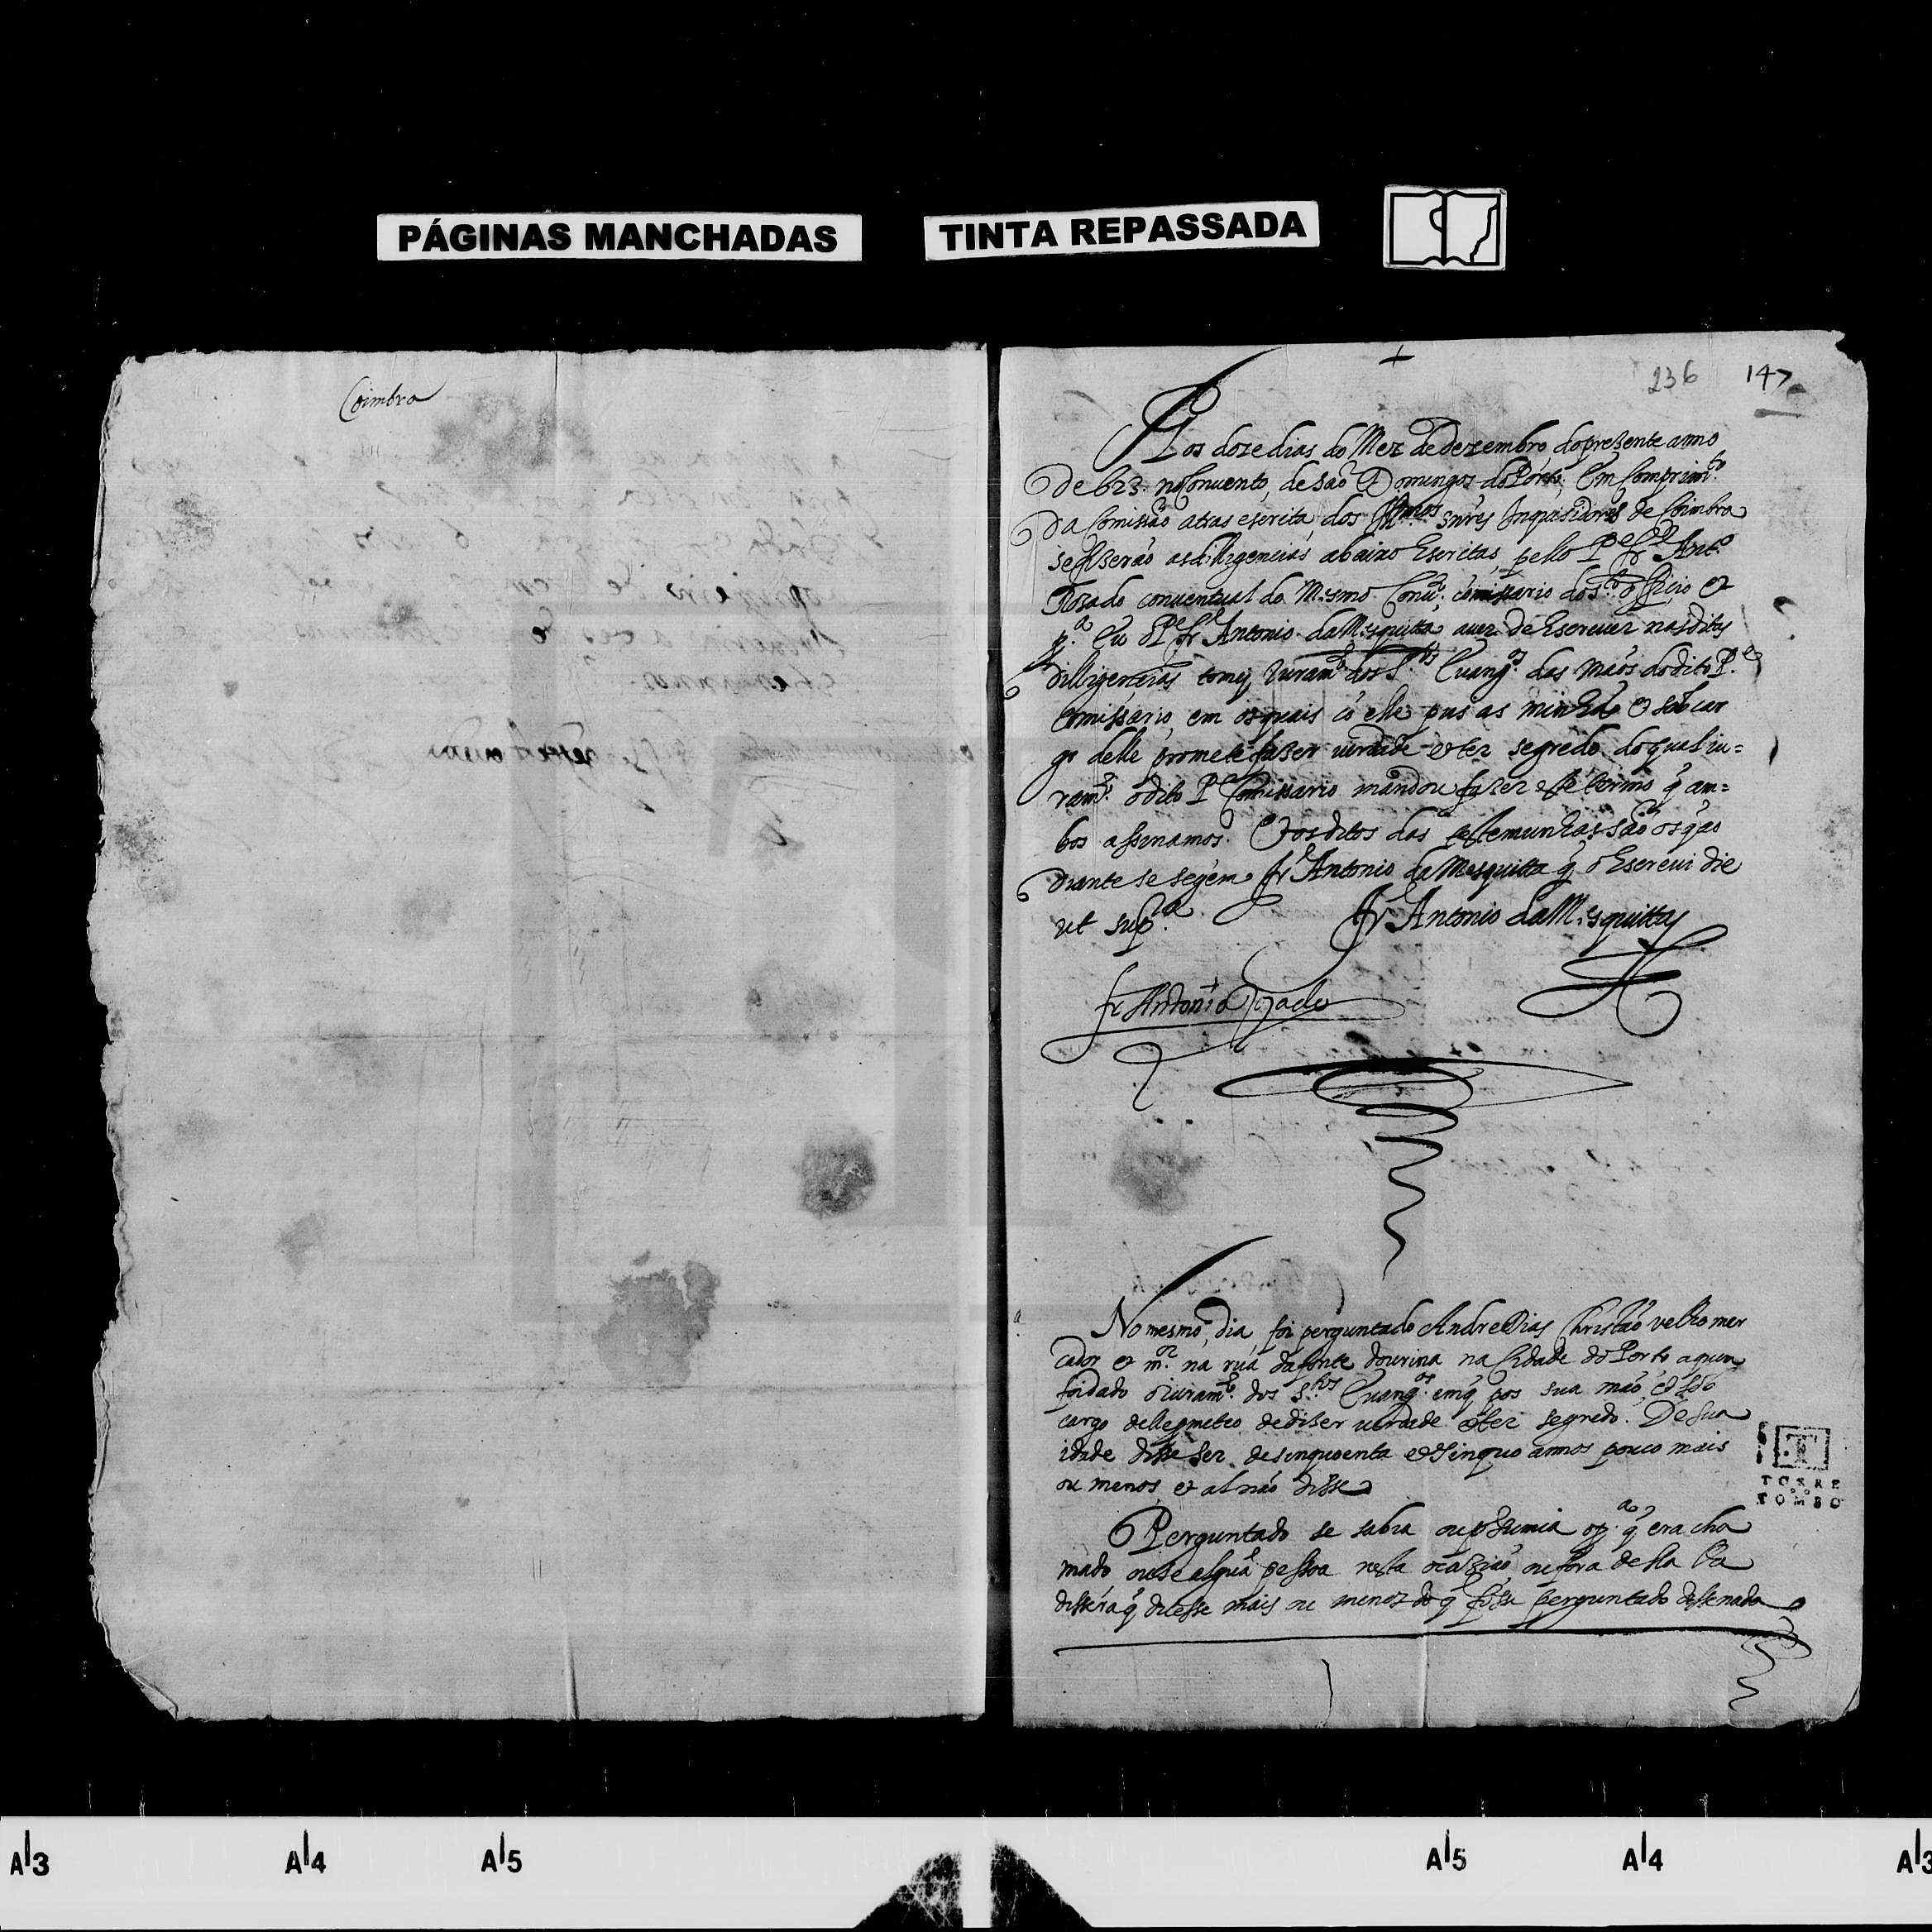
147
Coimbra
Aos doze dias do Mez de dezembro, do prezente anno
de 623. no Conuento, de saõ Domingos do Porto; Em Comprim.to
Da Comissão atras escrita, dos Jll.mos snrēs Inquisidores de Coimbra
se fizeraõ as dilligencias abaixo Escritas, pello Pe fr Ant.o
Rozado conuentual do mesmo Conuto; cōmissario do s.to officio &
ꝑ.a eu o Pe fr Antonio da Mesquitta auer de Escreuer nas ditas
dilligencias tomej Iuramto dos S.tos Euang.os das maõs do dito P.e
comissario, em os quais cō elle pus as minhas & sob car
go delle promete fazer uerdade & ter segredo do qual iu
ram.to o dito Pe Comissario mandou fazer este termo q̄ am
bos assinamos. & os ditos das testemunhas são os q̄ ao
diante se segem fr Antonio da mesquitta q̄ o Escreui die
ut sup.ra
fr Antonio da Mesquitta
fr Antonio Rozado
No mesmo, dia, foi perguntado Andre Dias Christaõ velho mer
cador & m.or na rua da fonte dourina na Cidade do Porto a quem
foi dado o iuramto. dos s.tos Euang.os em q̄ pos sua maõ, & sob
cargo delle ꝓmeteo de dizer uerdade & ter segredo. De sua
idade disse ser de sinquoenta & sinquo annos pouco mais
ou menos & al naõ disse
Perguntado se sabia ou p̄sumia o ꝑ.ao q̄ era cha
mado, ou se alguā pessoa nesta ocaziaõ ou fora della lhe
dissera q̄ dicesse mais ou menos do q̄ fosse perguntado disse nada
